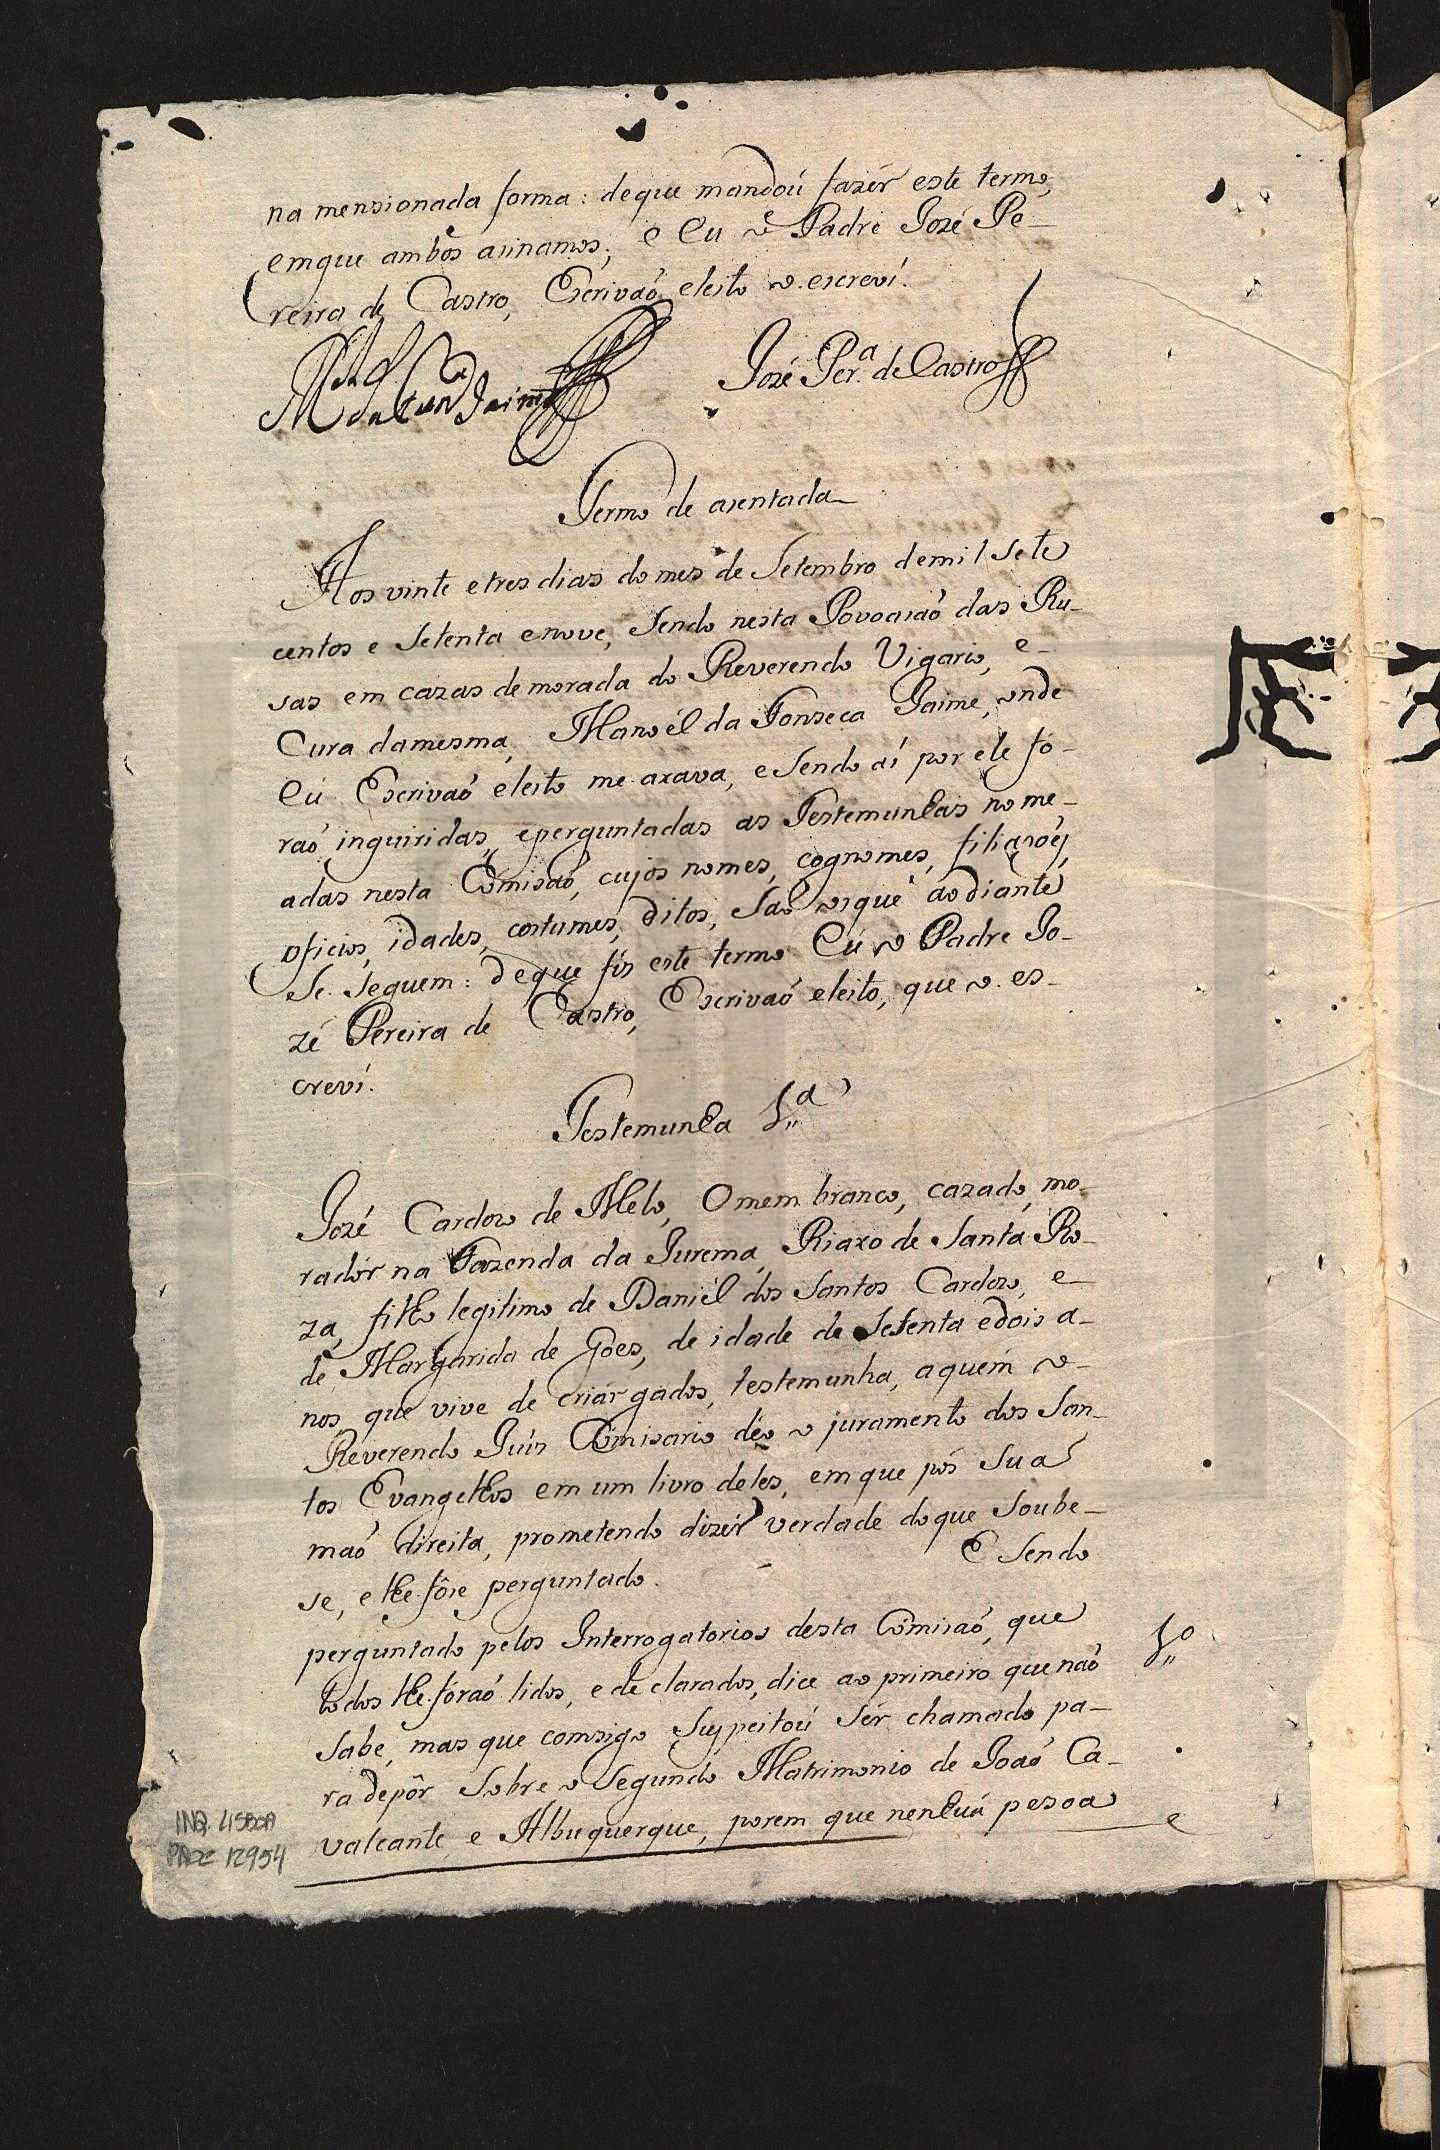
na mensionada forma: de que mandou fazér este termo,
em que ambos asinamos; e eu o Padre Iozé Pe
reira de Castro, Escrivaõ eleito o escrevi.
M.el da Fonc.a Iaime
Iozé Per.a de Castro
Termo de asentada
Aos vinte e tres dias do mes de Setembro de mil sete
centos e setenta e nove, sendo nesta Povoasaõ das Ru
sas em cazas de morada do Reverendo Vigario, e
Cura da mesma, Manoel da Fonseca Iaime, onde
Eu Escrivaõ eleito me axava, e sendo aí por ele fo
raõ inquiridas, e perguntadas as Testemunhas nome
adas nesta Cōmisaõ, cujos nomes, cognomes, filiasoẽs,
oficios, idades, costumes, ditos, Saõ os que ao diante
se seguem: de que fiz este termo Eu o Padre Io
ze Pereira de Castro, Escrivaõ eleito, que o es
crevi.
Testemunha 1.a
Iozé Cardozo de Melo, Omem branco, cazado, mo
rador na Fazenda da Iurema, Riaxo de Santa Ro
za, filho legitimo de Daniel dos Santos Cardozo, e
de Margarida de Goes, de idade de sesenta e dois a
nos que vive de criar gados, testemunha, a quem o
Reverendo Iuis Comisario deo o juramento dos San
tos Evangelhos em um livro deles, em que pós sua
maõ direita, prometendo dizer verdade do que Soube
se, e lhe fôse perguntado.
E sendo
perguntado pelos Interrogatorios desta Comisaõ, que
1o
todos lhe foraõ lidos, e declarados, dice ao primeiro que naõ
sabe, mas que comsigo suspeitou ser chamado pa
ra depôr sobre o segundo Matrimonio de Ioaõ Ca
valcante, e Albuquerque, porem que nenhuā pesoa
